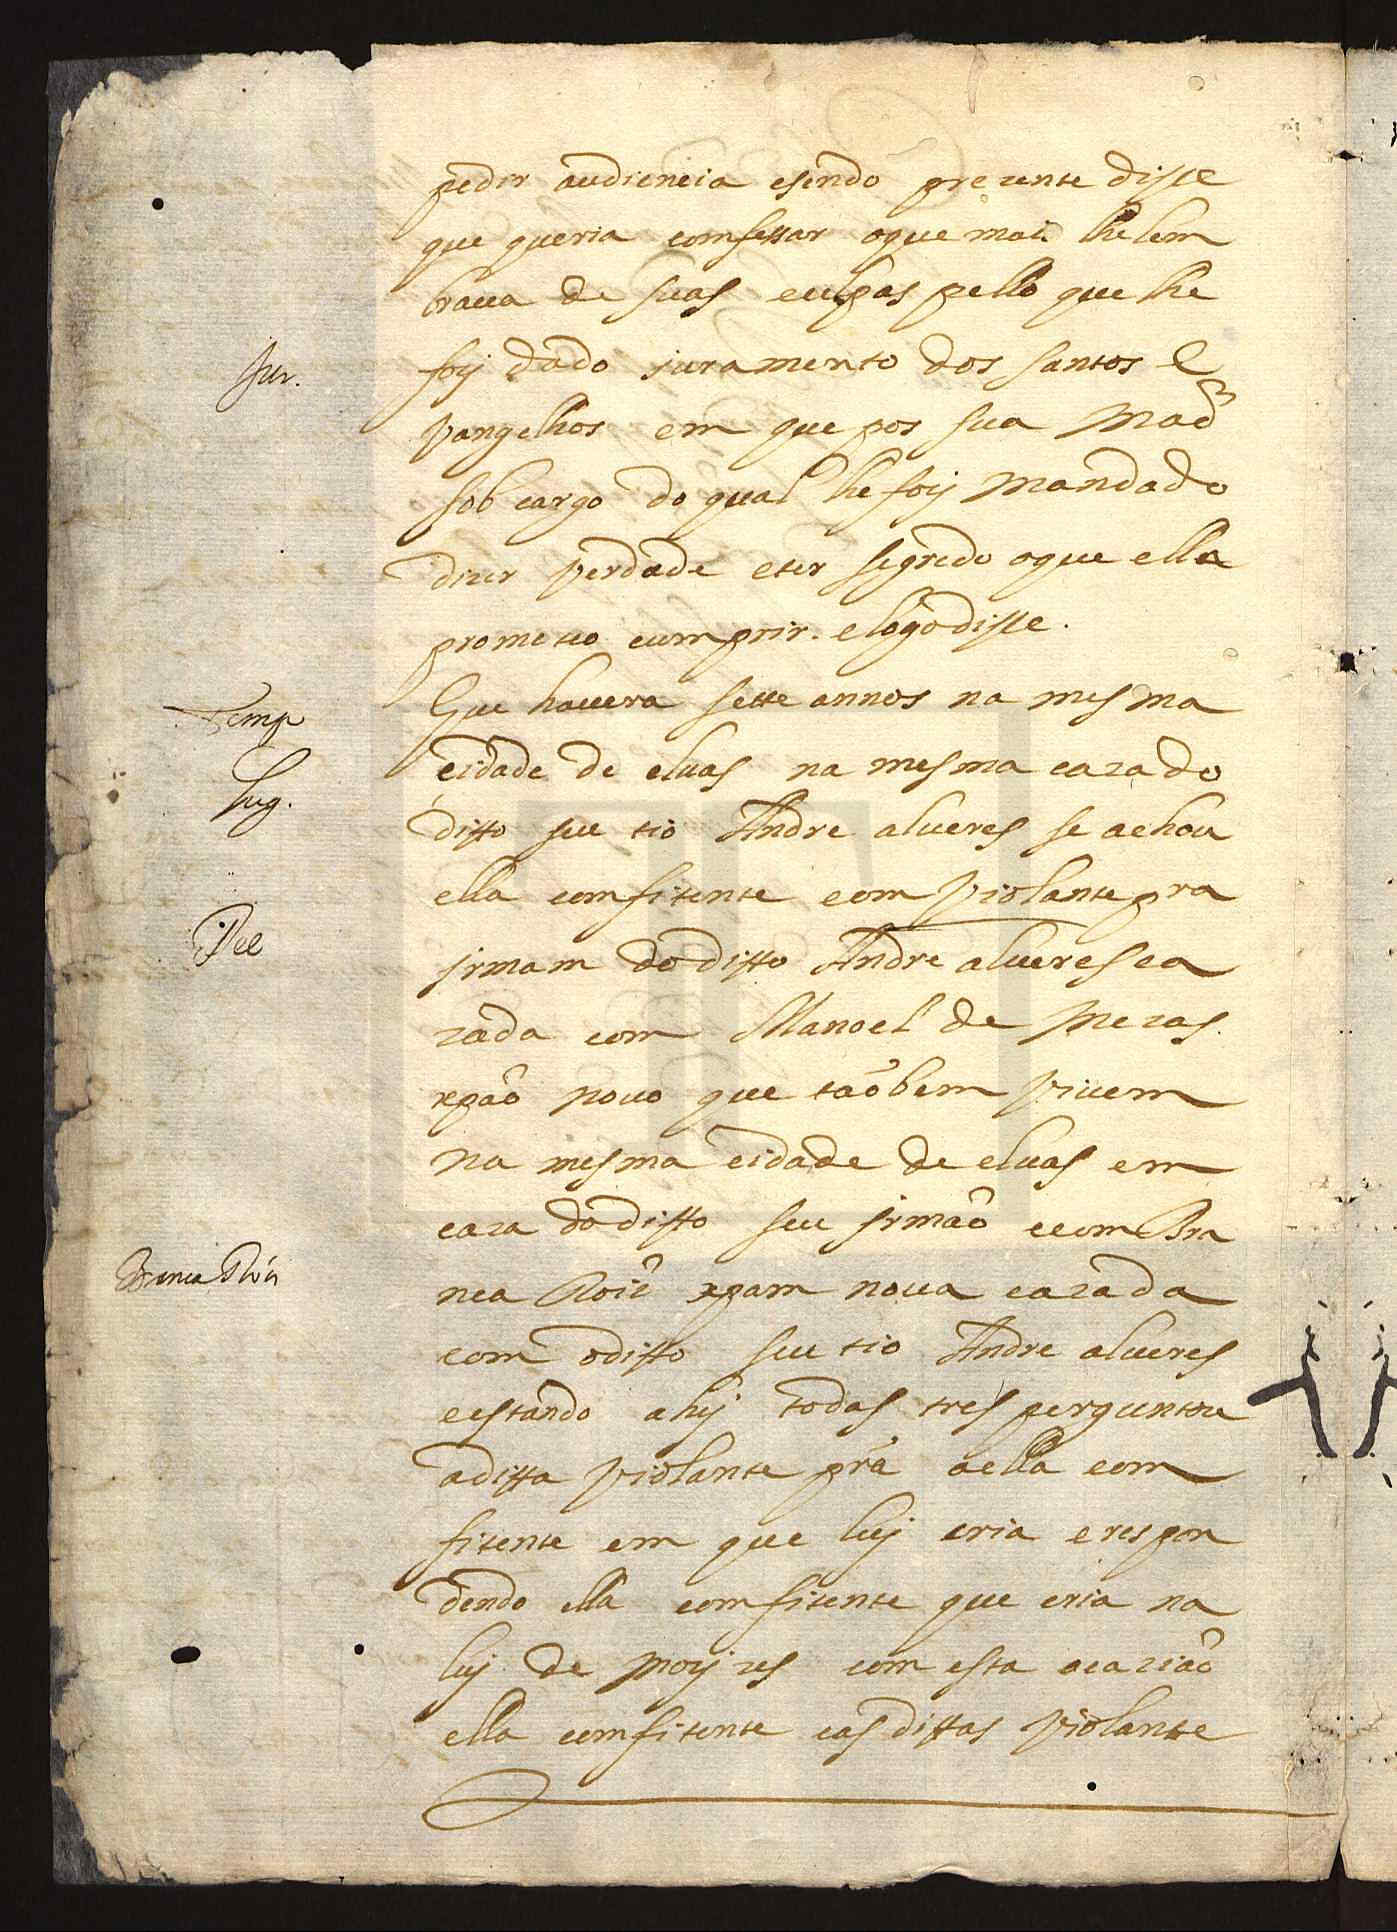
pedir audiencia e sendo prezente disse
que queria comfessar o que mais lhe lem
braua de suas culpas pello que lhe
Jur.
foy dado juramento dos santos E
Vangelhos em que pos sua maõ
sob cargo do qual lhe foy mandado
dizer Verdade e ter segredo o que ella
prometeo cumprir. e logo disse.
Temp
Que havera sette annos na mesma
cidade de eluas na mesma caza do
Lug.
ditto seu tio Andre alueres se achou
ella comfitente com Violante pra
Ree
jrmam do ditto Andre alueres ca
zada com Manoel de Mezas
xpaõ nouo que taõbem Vivem
na mesma cidade de eluas em
caza do ditto seu jrmaõ e com Bra
Branca Roiz̄
nca Roiz̄ xpam noua cazada
com o ditto seu tio Andre alueres
e estando ahy todas tres perguntou
a ditta Violante pr̄a a ella com
fitente em que ley cria e respon
dendo ella comfitente que cria na
ley de moyzes com esta ocaziaõ
ella comfitente e as dittas Violante
